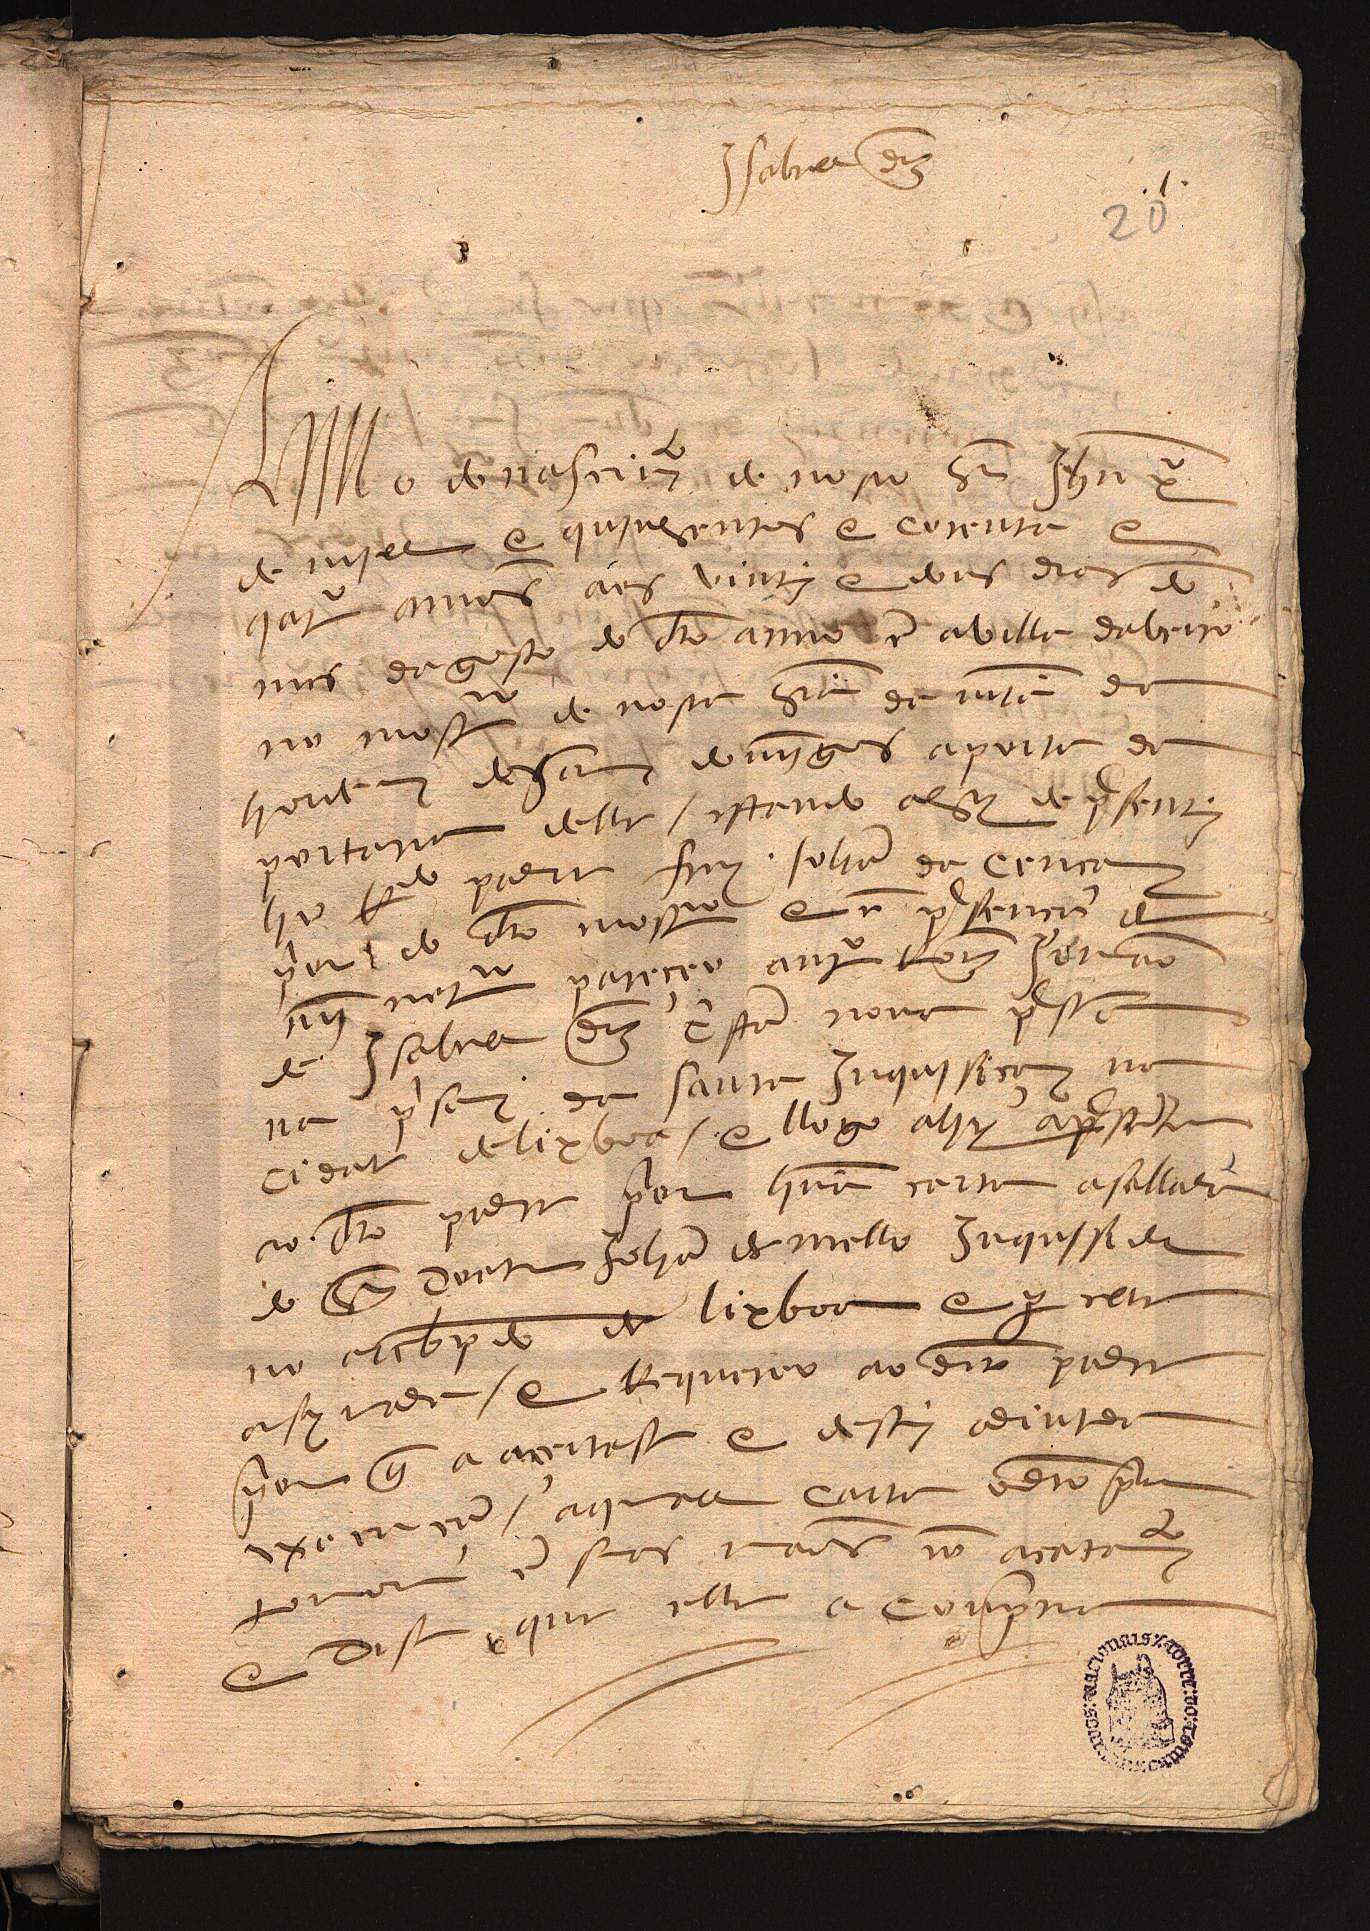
Jsabell d̄iz
ANNo do nascimto de noso Sr̄ Jhū xo
de mjll e qujnhentos e corenta e
qato annos aos vinte e dous dias do
mes dagosto do d̄to anno ē a villa daveiro
no mostro de nosa S̄ra da m̄ia da
hordem de Sam dom̄jgos a porta da
portaria dele / estando ahy de p̄sente
ho Rdo padre frey . Johā dacençam
pior do d̄to mostro e ē p̄sença de
m̄j notro pareçeo anto Rōiz Jrmão
de Jsabell d̄iz cistā noua p̄ssa
na pisam da santa Jnqujsiçam na
Cidade de lixboa / e llogo ahy ap̄sētou
ao d̄to padre pior hūa carta asellada
do S̄r doctor Johā de mello Jnqujsidor
no arc̄bpdo de lixboa e ꝑ elle
asynada / e Requereo ao dito padre
pior q̄ a açeitase e desse a deujda
execuçā / a quall carta o d̄to p̄or
tomou ē suas maõs c̄o acatamto
e dise que elle a cumpiria
